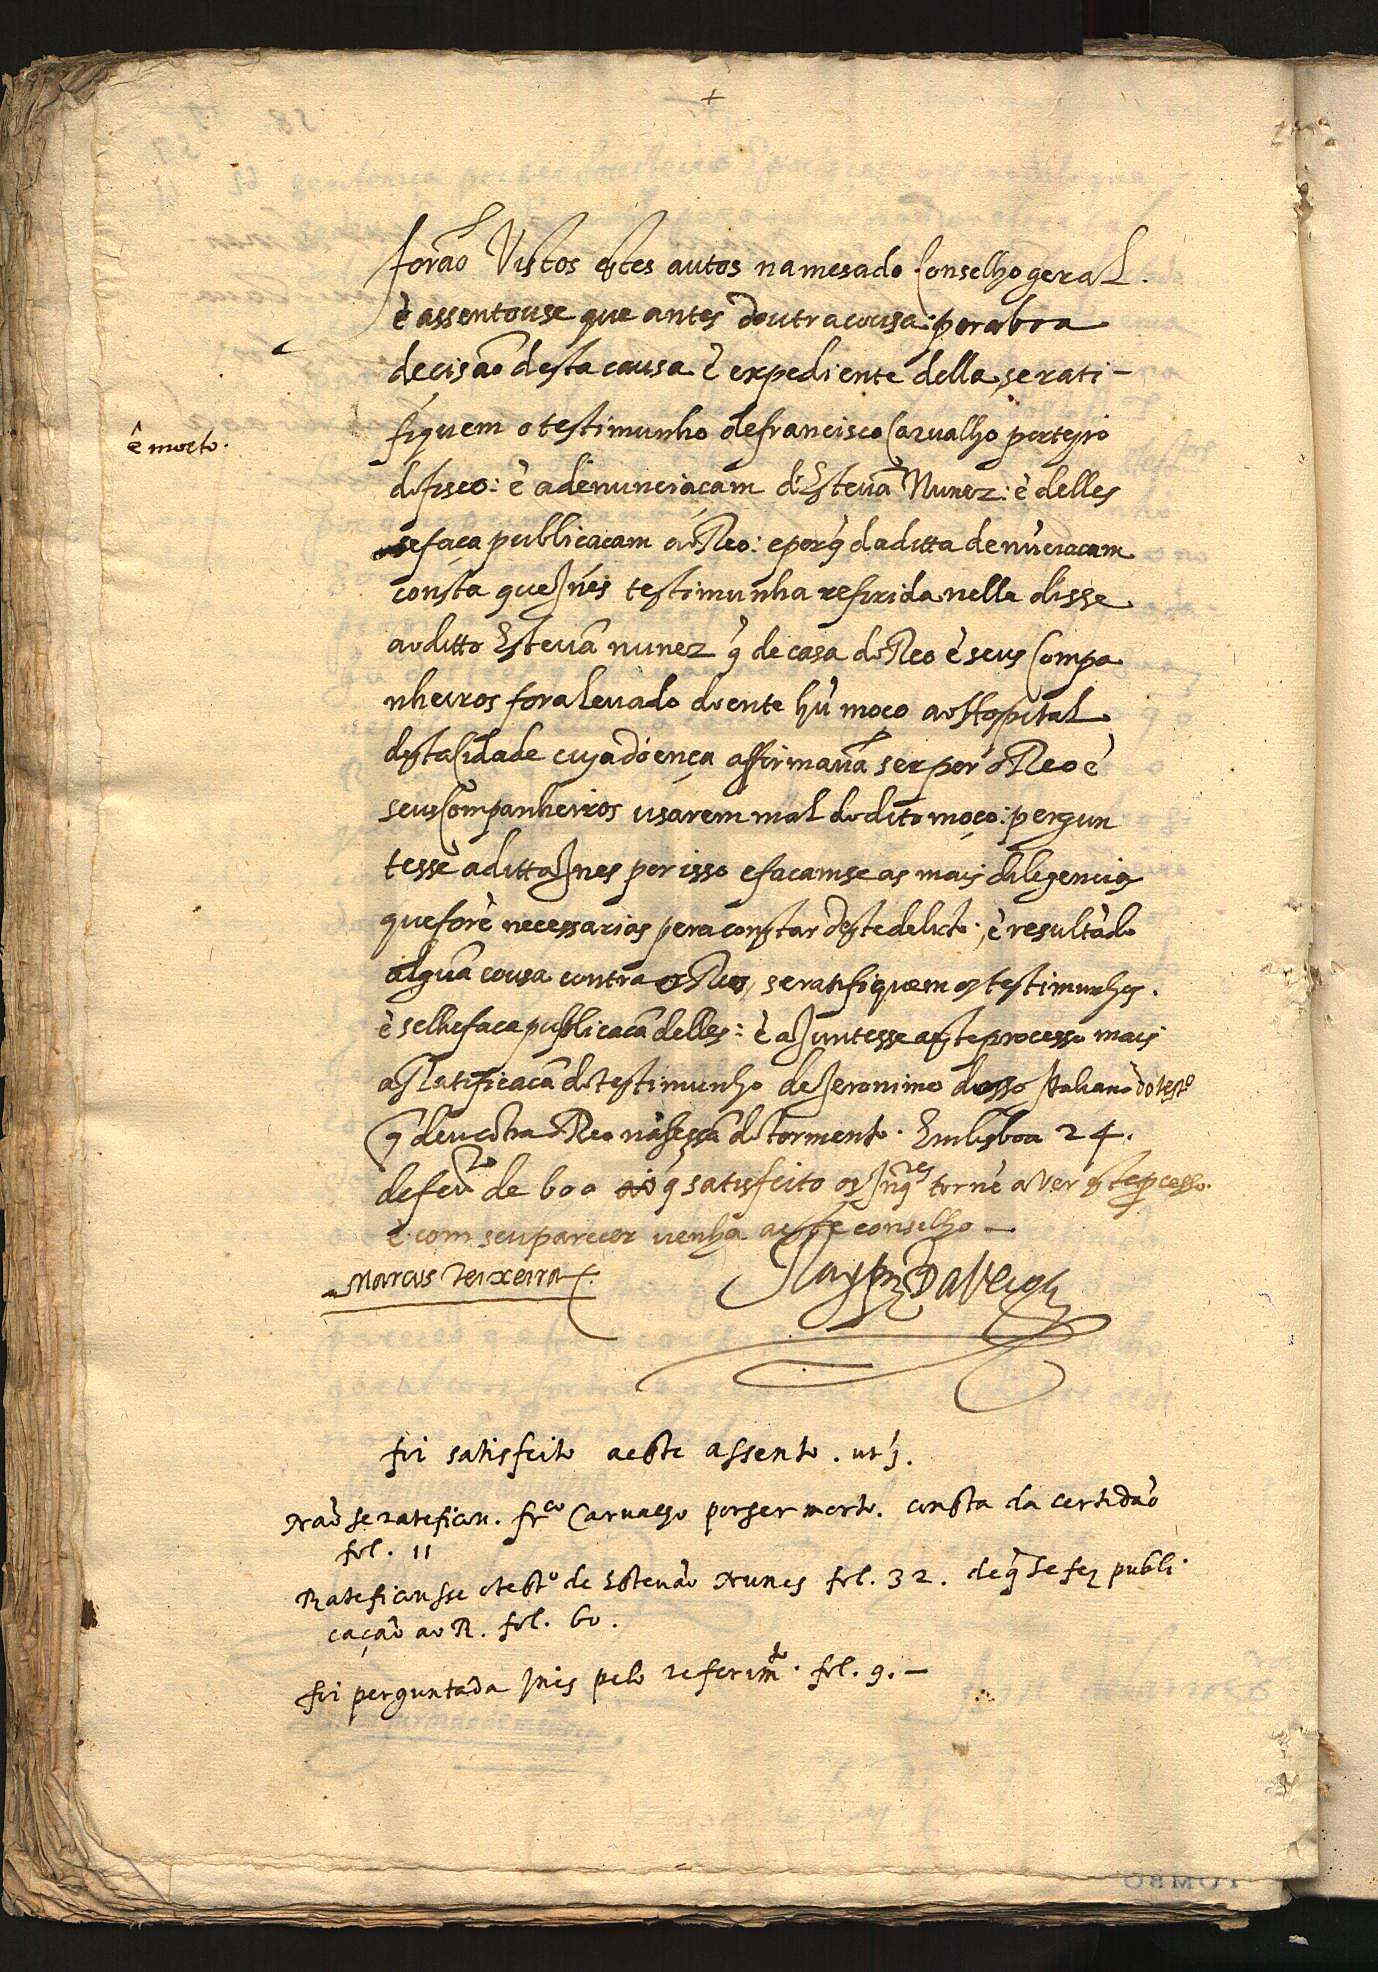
forão Vistos estes autos na mesa do Conselho geraL
e assentouse que antes doutra cousa: por a boa
deçisão desta causa e expediente della, se rati
fiquem o testimunho de francisco Carualho portejro
do fisco: e a denunciacam de Esteuā Nunez: e delles
se faça publicaçam ao Reo: e porq̄ da ditta denūciacam
consta que Jnes testimunha refirida nella disse
ao ditto Esteuā nunez q̄ de casa do Reo e seus Compa
nheiros fora leuado doente hū moço ao HospitaL,
desta Cidade cuja doença affirmauā ser por o Reo e
seus Companheiros usarem mal do dito moço: pergun
tesse a ditta Jnes por isso e facamse as mais diligencias
que forē necessarias pera constar deste delicto; e resultādo
alguā cousa contra o Reo, se ratifiquem os testimunhos.
e se lhe faca publicacā delles: e aJuntesse a este processo mais
a Ratificacā do testimunho de Jeronimo dosso Jtaliano do testo
q̄ deu cōtra o Reo na sessā do tormento. Em lisboa 24.
de feuro de 600 ao q̄ satisfeito os Jnqres tornē a ver este ꝓcesso.
e com seu parecer uenha a este conselho
foi satisfeito a este assento. ut s̄.
Naõ se rateficou frco Carualho por ser morto. consta da certidaõ
fol. 11
Rateficousse o testo de Esteuão Nunes fol. 32. de q̄ se fez publi
cação ao R. fol. 60.
foi perguntada Jnes pelo referimto. fol. 9.
ê morto.
